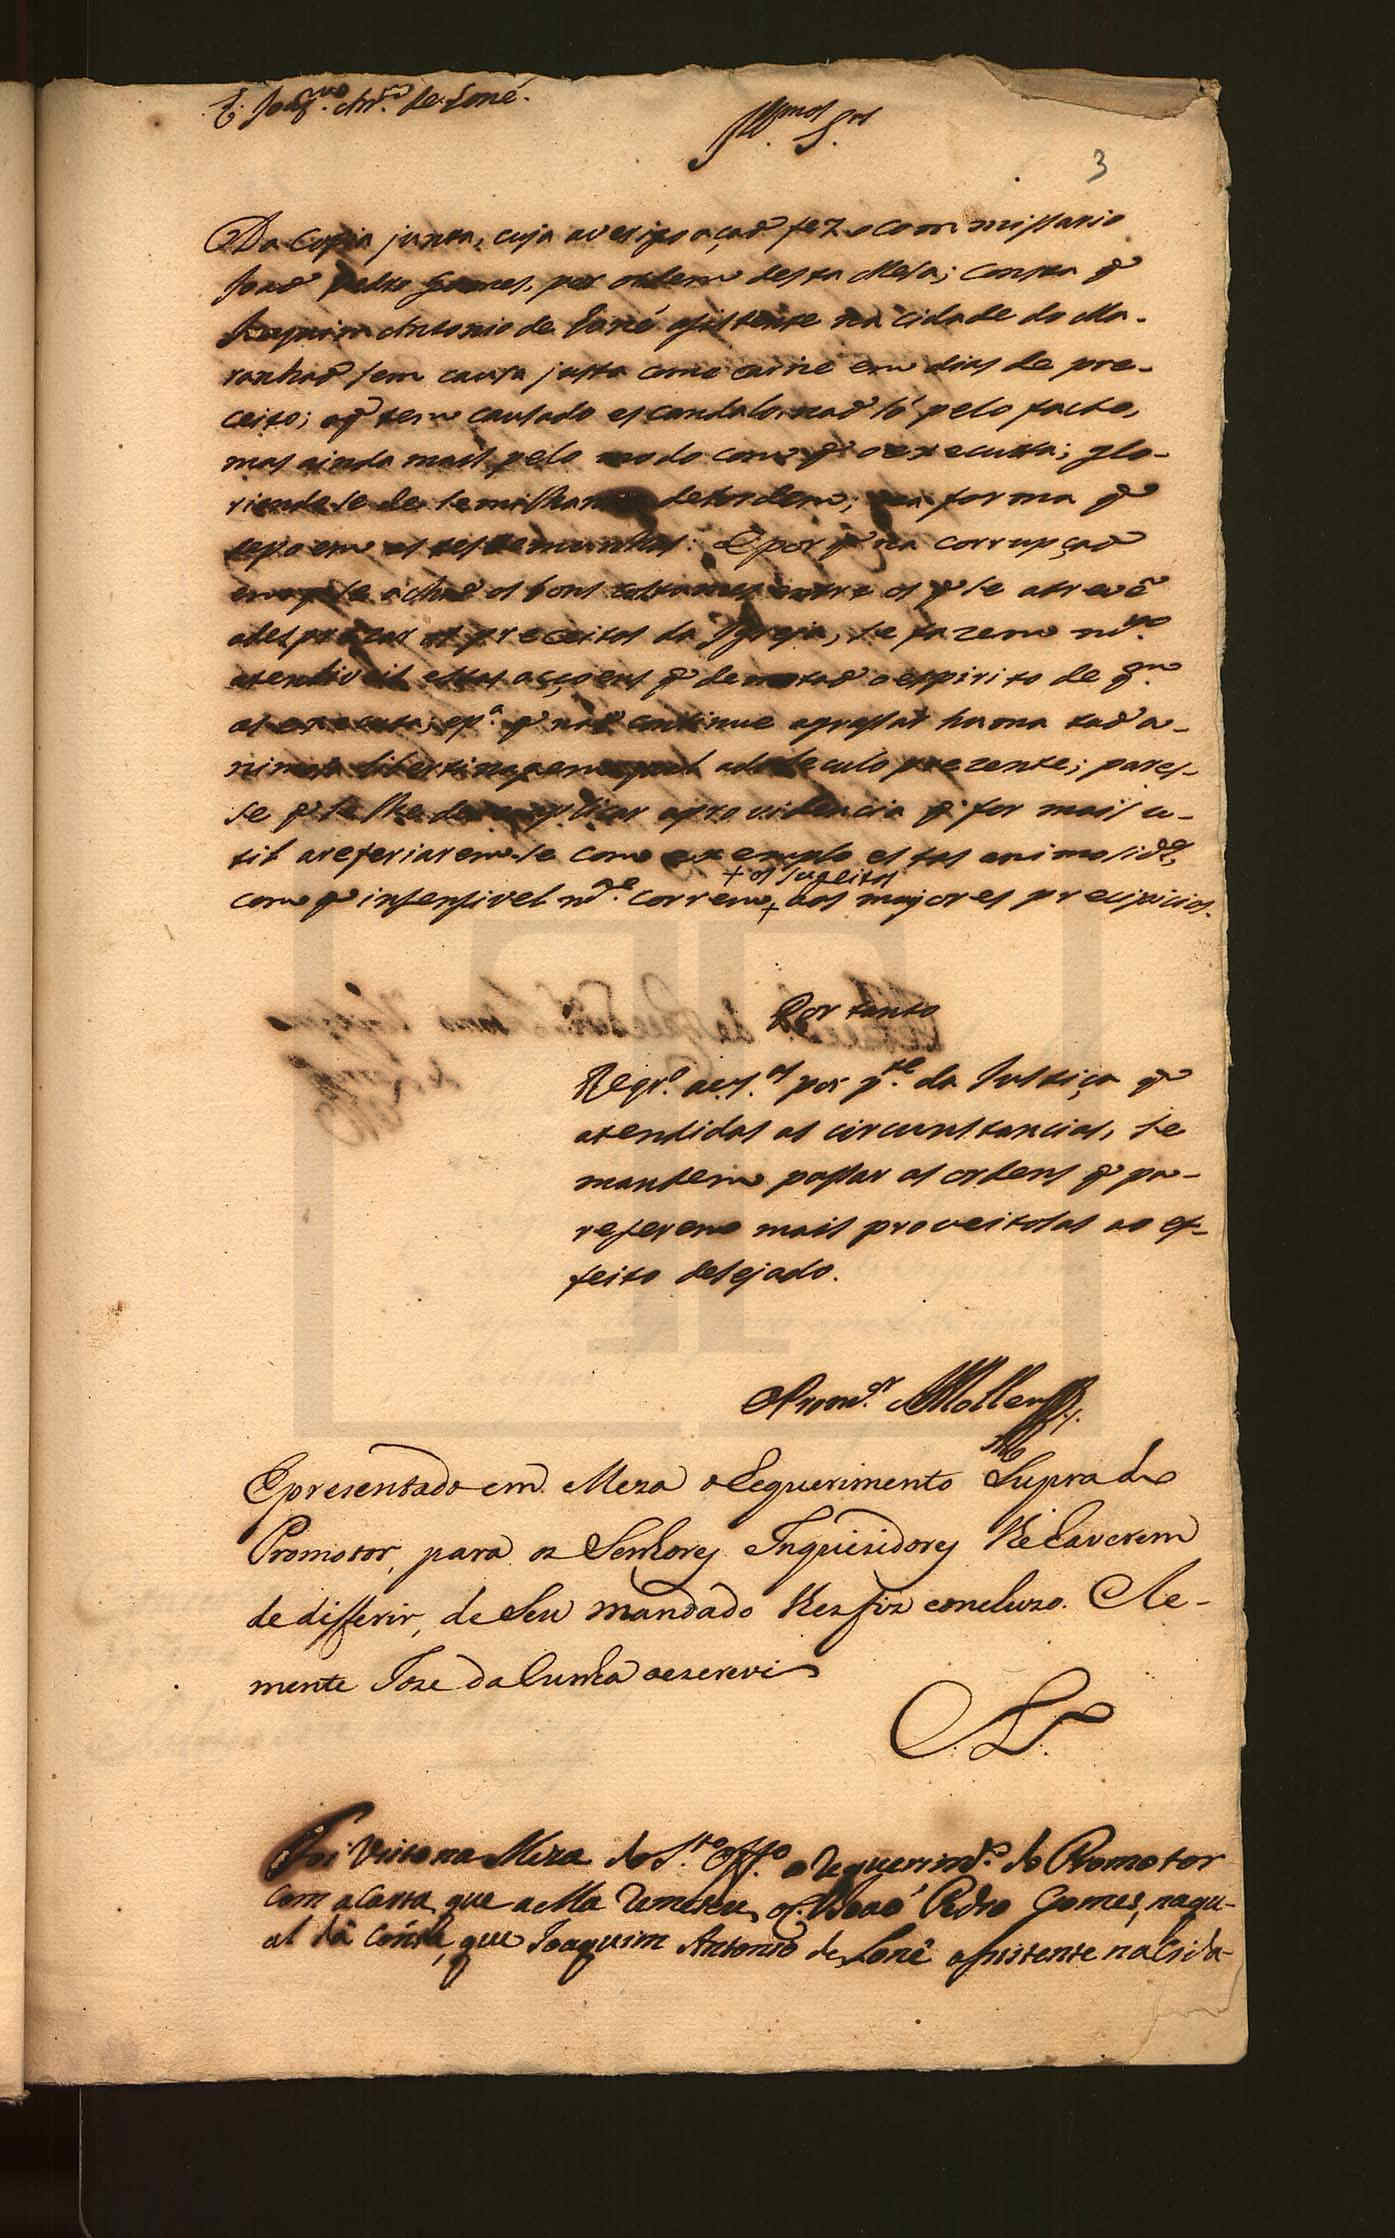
E. Joaq.m Ant.o de Loné.
Jll.mos S.rs
Da copia junta, cuja averigoaçaõ fez o commissario
Joaõ Pedro gomes, por ordem desta Mesa; consta q̄
Ioaquim Antonio de Loné asistente na cidade do Ma
ranhaõ sem causa justa come carne em dias de pre
ceito; o q̄ tem causado escandalo, naõ só pelo facto,
mas ainda mais pelo modo como q̄ o executta; glo
riandose de semilham_ desordem; na forma q̄
depoem as testemunhas: E porq̄ na corrupçaõ
em que ach_ os bons costumes entre os q̄ se atrevē
a desprezar os preceitos da Igreja, se fazem m.to
atendiveis estas acçoens q̄ denotaõ o espirito de q.m
as execusa, e p.a q̄ naõ continue a grassar huma taõ a
nimada libertinagem qual a do seculo prezente; pares
se q̄ se lhe de_ _plicar a providencia q̄ for mais u
til a referiarem-se como exemplo estas animosid.es,
os sugeitos
como q̄ insensivelm.te correm dos majores precipicios.
Portanto
Reqr.o a v.s.as por p.te da Iustiça q̄
atendidas as circunstancias, se
mandem passar as ordens q̄ pa
reserem mais proveitosas ao ef
feito desejado.
O Prom.or Moller
E presentado em Meza o Requerimento Supra do
Promotor, para os Senhores Inquizidores lhe haverem
de differir, de Seu mandado lhes fiz concluzo. Cle
mente Ioze da Cunha o escrevi
CL.o
Foi visto na Meza do S.to Off.o o Requerim.to do Promotor
com a carta que a ella Remeteu, o C. Ioaõ Pedro Gomes, na qu
al dá conta, que Ioaquim Antonio de Loné assistente na Cida
